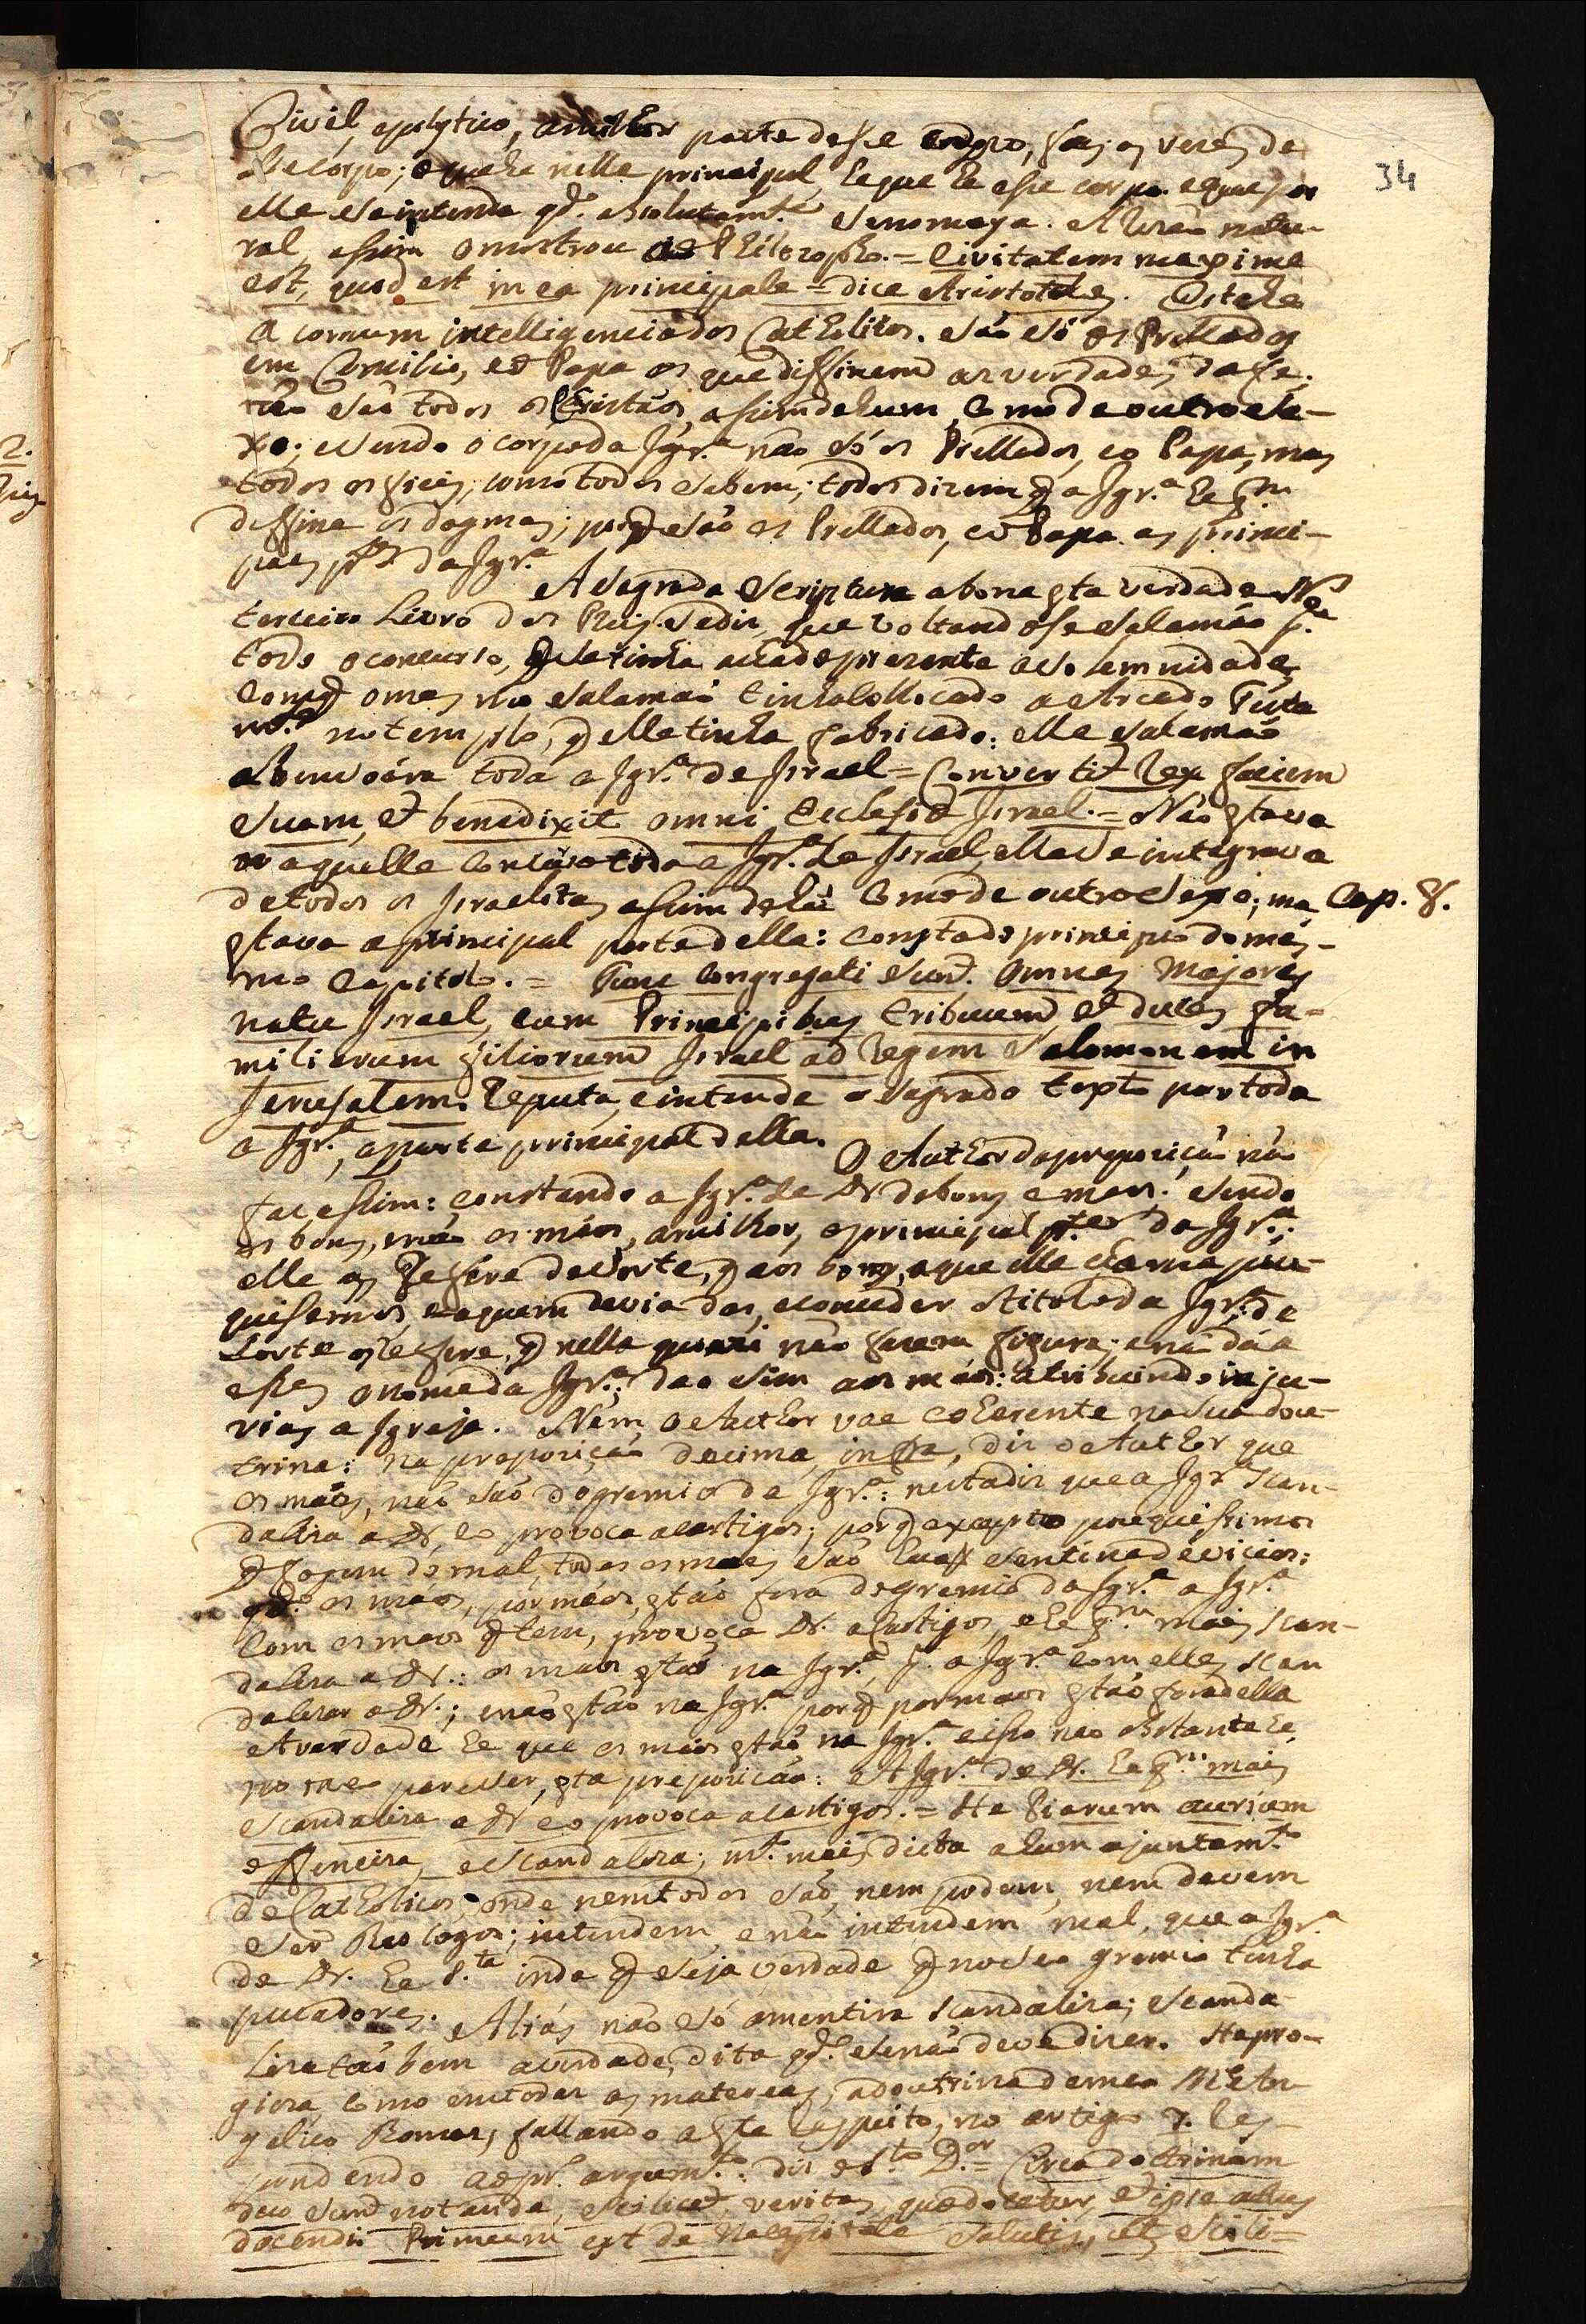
Civil, e polytico, a melhor parte desse
copro,
foj as vezes de
_e corpo; o que he nelle principal, he que he esse corpo. e que por
elle se intenda qd.o absolutam.te se nomeya. A Rezão natu
ral, assim o mostrou ao Philozopho.= civitatem maxime
est, quid est mea principale= dice Aristoteles. Este he
a comum intelligencia dos Catholicos. São só os Prellados
em Concilio, e o Papa os que diffinem az verdades da fe.
não são todos os Christãos, assim de hum como de outro se
xo; e sendo o corpo da Jgr.a não só os Prellados, e o Papa, mas
todos os fieis, como todos sabem; todos dizem q̄ a Jgr.a he q̄.m
deffine os dogmas; porq̄ saõ os Prellados, e o Papa as princi
paes ptes da Jgr.a
A sagrada scriptura abona esta verdade No
terceiro Livro dos Reis se diz, que voltando so salamão p.a
todo o concurso, q̄ se tinha achado prezente a solemnidade
com q̄ o mesmo salamaõ tinha Collocado a Arca do Testa
m.to no templo, q̄ elle tinha fabricado: elle salamaõ
abensoára toda a Jgr.a de Jsrael = Convertit Rex faciem
suam, et benedixit omni Ecclesia Jsrael.= Não estaua
naquelle concurso toda a Jgr.a de Jsrael, ella se integrou a
de todos os Jsraelitas assim de hū Como de outro sexo; ma
cap. 8.
estava a principal parte della: consta do principeo do mes
mo capitolo.= Tunc congregati sunt. omnes majores
natu Jsrael, cum Principibus tribuum, et duces fa
miliarum filiorum Jsrael ad Regem. Salomonem in
Jerusalem. Reputa, e intende o sagrado texto por toda
a Jgr.a, a parte principal della.
O Author do prepoziçaõ não
foi, essim: constando a Jgr.a de Ds̄. de bons e maos. sendo
os bons, e não os máos, a milhor, e principal p.te da Jgr.a,
elle os refere de sorte, q̄ aos bons, a que elle chama pou
quissimos, e a quem devia dar, e conceder o titulo da Jgr.a, de
sorte os Refere q̄ nella quazi não fazem figura; e não dá a
esses o nome da Jgr.a; da o sim aos máos: atribuindo inju
rias a Jgreja. Nem o Author vae coherente na sua dou
trina: na prepozição decima, infra, dis o Author que
os máos, naõ saõ do gremio da Jgr.a: nesta diz que a Jgr.a scan
daliza a Ds̄. e o provoca a castigos; por q̄ excepto pouquissimos
q̄ fogem do mal, todos os maes saõ hua sentina de vicios:
qd.o os máos, por máos, estão fora do gremio da Jgr.a a Jgr.a
Com os maos q̄ tem, provoca Ds̄. a Castigos, e he q.m mais scan
daliza a Ds̄.: os maos estaõ na Jgr.a p.a a Jgr.a com elles scan
dalezar a Ds̄.; e naõ estão na Jgr.a porq̄ por maos estaõ fora della
A verdade he que os máos estaõ na Jgr.a e isso nao obstante he
po rae
pareser, esta prepozicaõ: A Jgr.a de Ds̄. he q̄ mais
scandaliza a Ds̄. e o provoca a castigos. = He Piarum aurium
offenciza, e scandaloza; m.to mais dicta a hum ajuntam.to
de Catholicos, onde nem todos saõ, nem podem, nem devem
ser Theologos; intendem, e não intendem mal, que a Jgr.a
de Ds̄. he s.ta inda q̄ seja verdade q̄ no seo gremio tenha
peccadores; Aliás não só a mentira scandaliza; scanda
liza taõ bem a verdade, dita qd.o senão deve dizer. He pro
gioza como em todas as matereas a Doutrina de meo
N_
An
gelico thomaz, fallando a este Respeito, no artigo 7. Res
pundendo ao pr.o argum.to dis o S.to D.or = Crea doctrinam
duo sunt notanda, scilicet, veritas quae docetur, et ipse actus
docendi. Primum est de Necessitate salutis, ut scili
